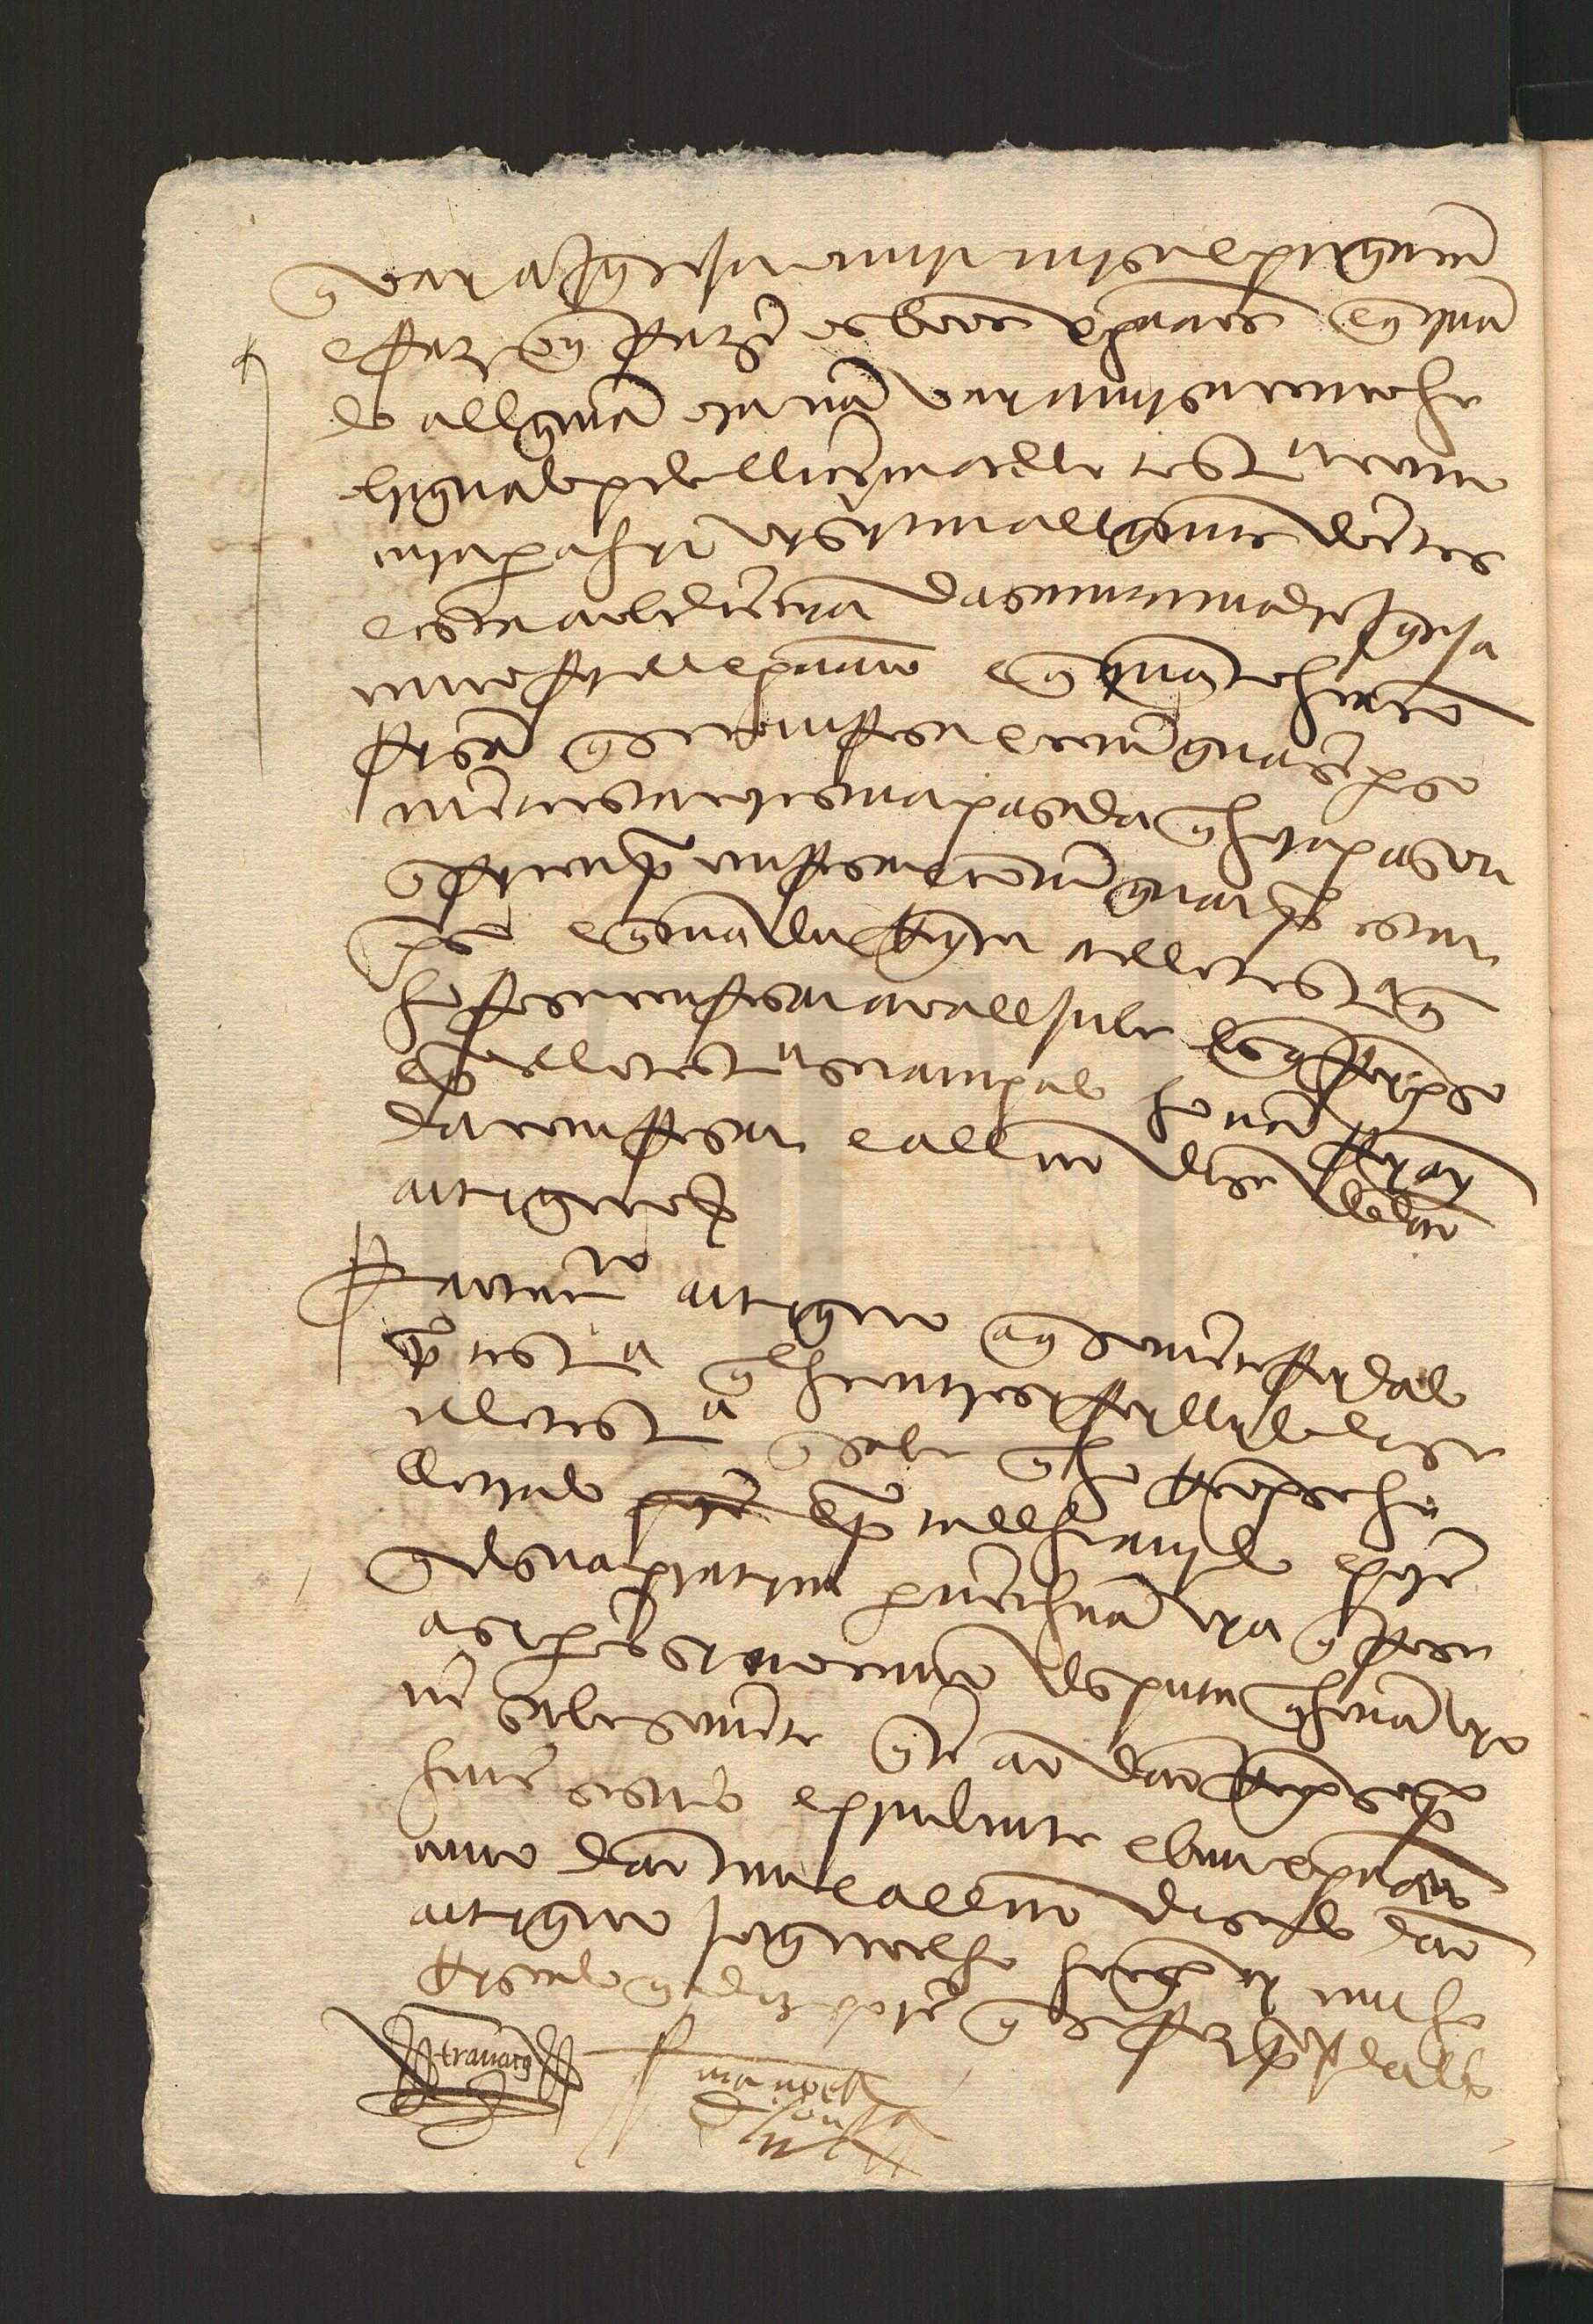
q̄ vay a JgreJa ouujr mjsa e pregacā
e faz o q̄ fazē os bōos xpãaos e q̄ quā
do allguuā ora nā vay a mjsa como he
obriguado pede lliçēca a elle testa como
cura ꝑa hyr vysytar allgūus doētes
e esta a obediēcya da samta madre JgreJa
como fyell xpãaoo e q̄ quāto he a c̄o
fysā q̄ se comfesa e comūgua sēꝑ so
mēte esta coresma pasada q̄ hora pasou
q̄ fycou p̄o confesar e c̄omūguar p̄o estar
p̄so e q̄ m̄adou Req̄rer a elle testa q̄
ho fose confesar ao allJube des q̄ foy p̄so
e p̄o elle testa ser acupado ho nā foy aȳ
da comfesar e all n̄o dise do dyto
artyguo
item ao terçro artyguo a q̄ somēte foy dado
p̄o testa q̄ lhe outrosy foy llydo dise
elle testa q̄ sabe q̄ ho Reo p̄so he
lletrado porē e p̄o tall he aujdo e porē
q̄ de sua pratyca ꝑ nenhuā vya q̄ fose
asy ꝑ ēsyno como desputa q̄ ho nā vyo
nē sabe somēte q̄ tem ao dit̄o Reo p̄so p̄o
homē sesudo e prudente e bom xpãaoo
como dit̄o tem e all nō dise do dit̄o
artyguo Jorge coelho ho esp̄vy com ho
Ryscado q̄ diz porē q̄ se fez p̄o ꝟdade
trauacꝯ
manoell
de soussa
